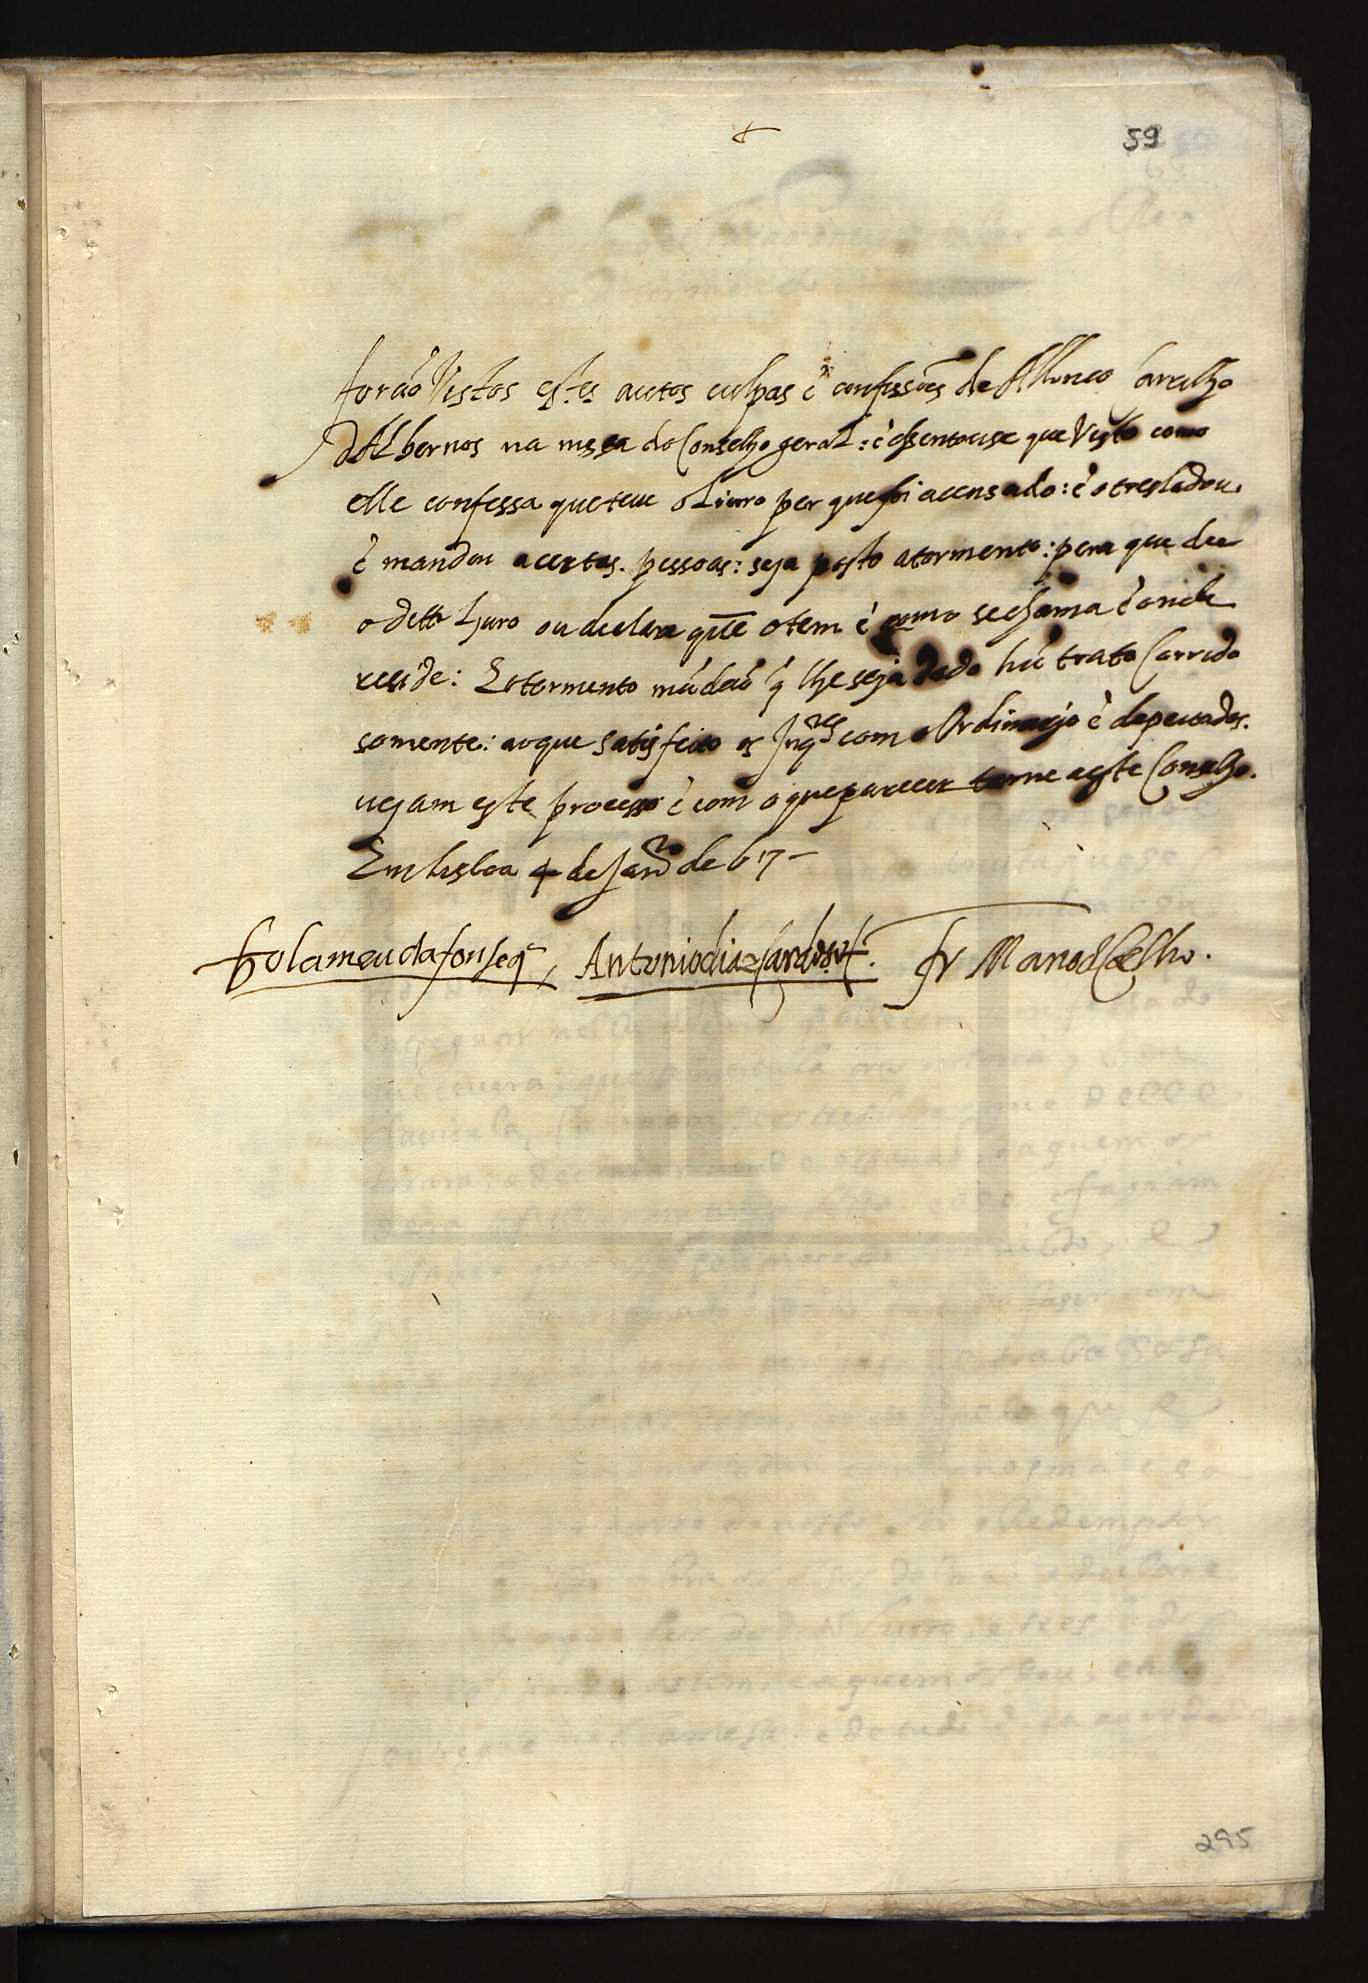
foraõ Vistos estes autos culpas e confissões de Alonço Carrilho
dAlbernos na messa do Conselho geral: e assentouse que Visto como
elle confessa que teue o Liuro per que foi accusado: e o tresladou
e mandou a certas pessoas: seja posto a tormento: pera que dee
o ditto Ljuro ou declare quē o tem e como se chama e onde
reside: E o tormento mādaõ q̄ lhe seja dado hū trato Corrido
somente: ao que satisfeito os Jnqres com o Ordinario e deputados.
uejam este processo e com o que parecer torne a este Conselho.
Em lisboa 4 de Janro de 617
b̄olameu da fonseqa
Antonio diaz Cardozo
fr Manoel Coelho.
